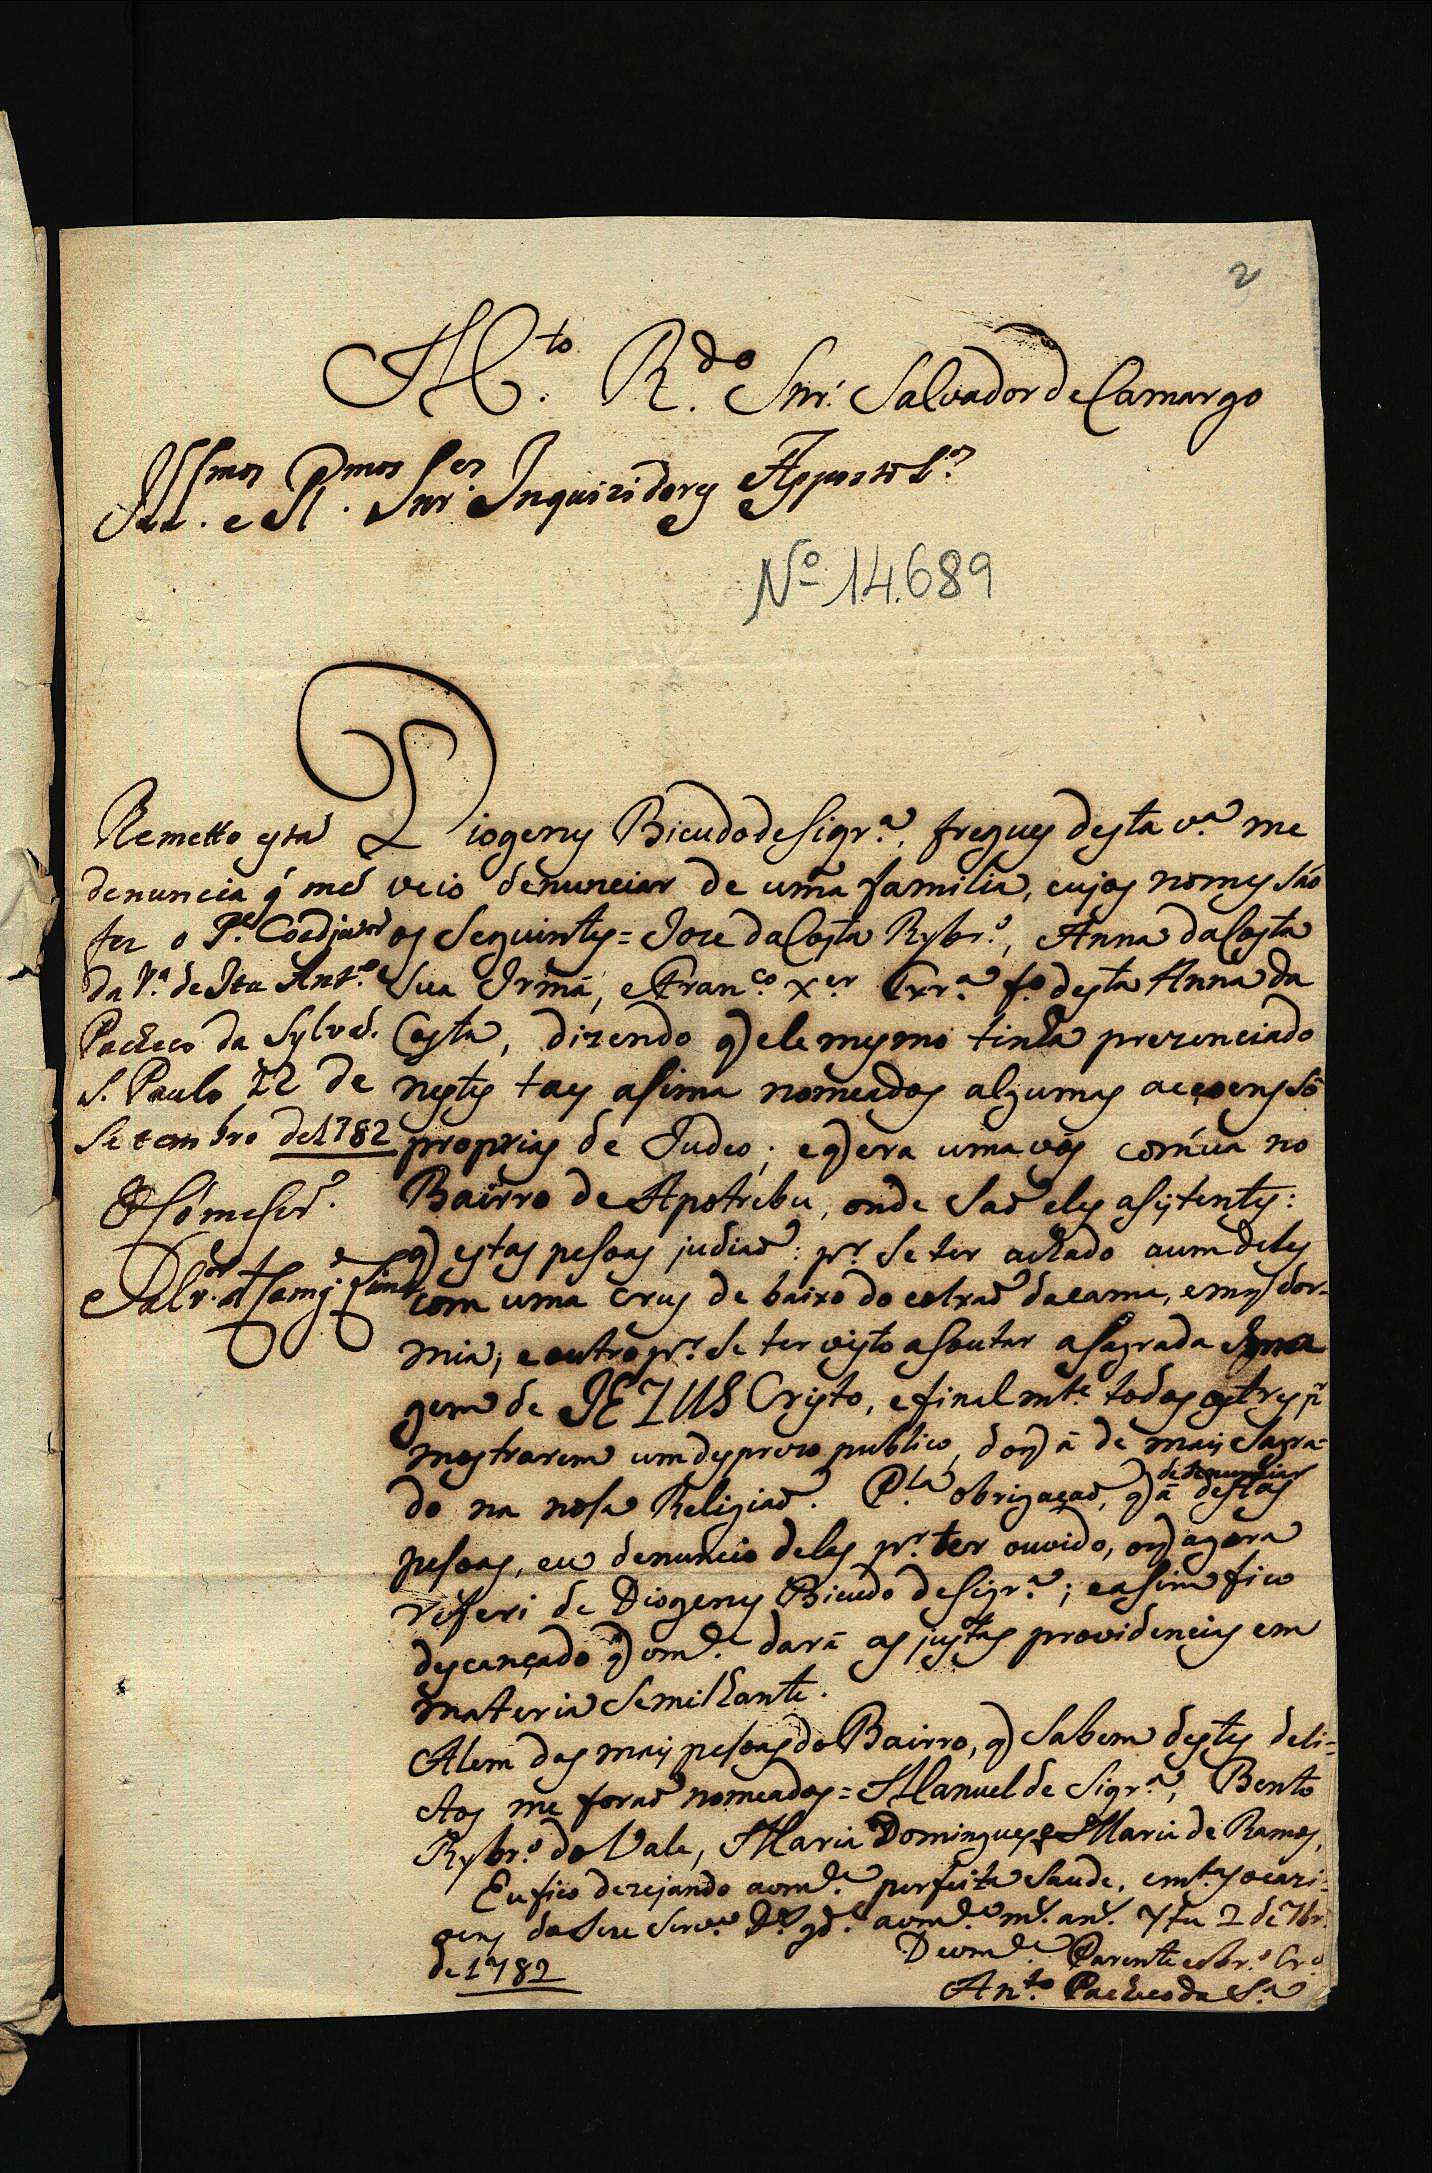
Ill.to R.do Snr̄. Salvador de Camargo
Ill.mos e R.mos Snr̄.es Inquizidores Apposto.os
Remetto esta
denuncia q̄ me
fez o P.e Coadjutor
da V.a de Itu Ant.o
Pacheco da Sylva.
S. Paulo 22 de
Setembro de 1782
O Comessr.o
Salv.or de Camj.e Lima
Diogenes Bicudo de Siqr.a, fregues desta v.a me
veio denunciar de uma familia, cujos nomes saõ
os Seguintes = Ioze da Costa Rybr.o, Anna da Costa
sua Irmã, e Fran.co X.er Txr.a f.o desta Anna da
Costa, dizendo q̄ ele mesmo tinha prezenciado
nestes taes asima nomeados algumas acçoens só
proprias de Iudeo; e q̄ era uma vós comúm no
Bairro de Apotrebu, onde Saõ eles asistentes:
q̄ estas pesoas judias: por se ter achado a um deles
com uma crus debaixo do colxaõ da cama, em q̄ dor
mia; e outro pr. se ter visto asoutar a sagrada Ima
gem de IEZUS Cristo, e finalm.te todos os tres p.r
mostrarem um desprezo publico do q̄ á de mais Sagra
de denunciar
do na nosa Religiaõ. P.la obrigaçaõ, q̄ á destas
pesoas, eu denuncio delas p.r ter ouvido, o q̄ agora
referi de Diogenes Bicudo de Siqr.a; e asim fico
descançado q̄ v m.e dará as justas providencias em
materia Semilhante.
Alem das mais pesoas do Bairro, q̄ sabem destes deli
tos me foraõ nomeados = Manuel de Siqr.a, Bento
Rybr.o do Vale, Maria Domingues, e Maria de Ramos,
Eu fico dezejando a v m.e perfeita Saude, e m.tas ocazi
oens do Seu serv.o D.s gd.e a v m.e m.t an.s Ytu 2 de 7br.
de 1782
De v m.ce Parente e obr.o Cr.o
An.to Pacheco da S.a
